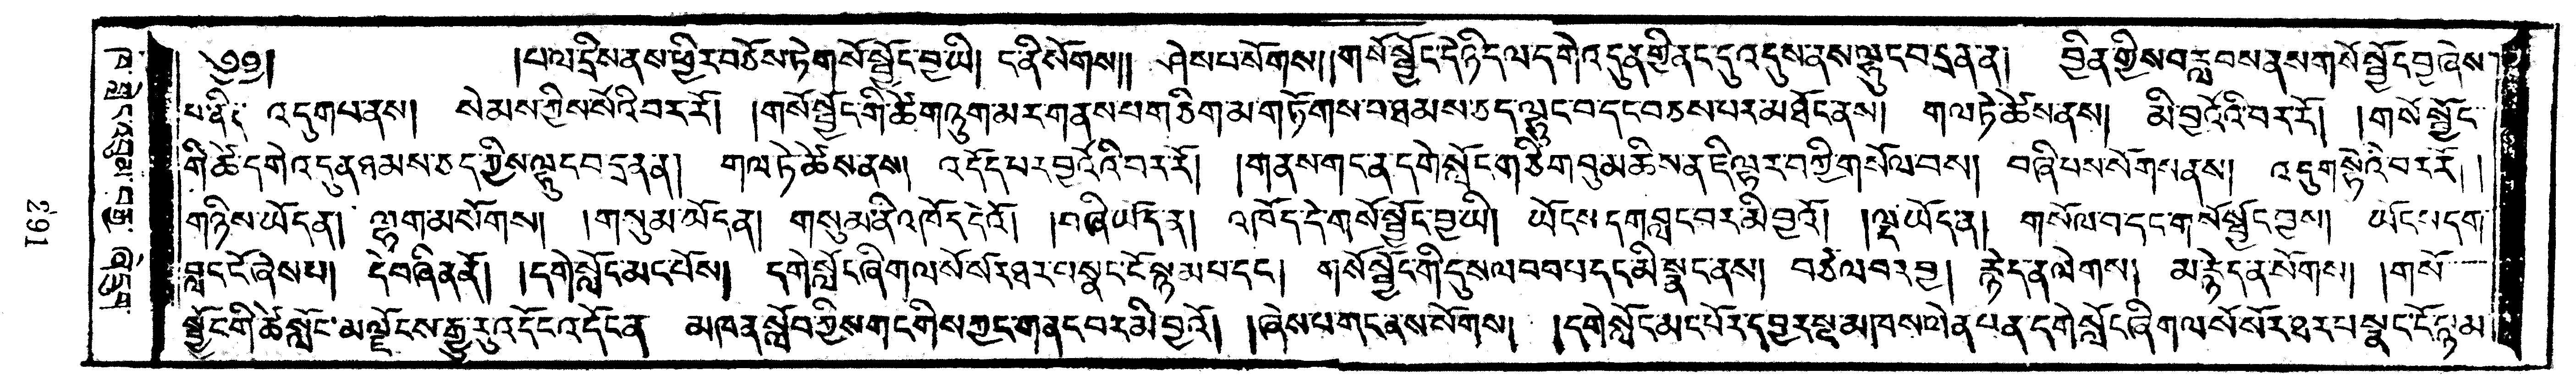༄༅། །པ་ལ་དྲིས་ནས་ཕྱིར་བཅོས་ཏེ་གསོ་སྦྱོང་བྱ་ཡི། ང་ནི་སོགས།། ཤེས་པ་སོགས།། གསོ་སྦྱོང་དེ་ཉིད་ལ་དགེ་འདུན་གྱི་ནང་དུ་འདུས་ནས་ལྟུང་བ་དྲན་ན། བྱིན་གྱིས་བརླབས་ནས་གསོ་སྦྱོང་བྱ་ཞེས་
པ་ནི༑ འདུག་པ་ནས། སེམས་ཀྱིས་སོའི་བར་རོ། །གསོ་སྦྱོང་གི་ཚེ་གཉུག་མར་གནས་པ་གཅིག་མ་གཏོགས་པ་ཐམས་ཅད་ལྟུང་བ་དང་བཅས་པར་མཐོང་ནས། གལ་ཏེ་ཚེས་ནས། མི་བྱའོའི་བར་རོ། །གསོ་སྦྱོང་
གི་ཚེ་དགེ་འདུན་ཐམས་ཅད་ཀྱིས་ལྟུང་བ་དྲན་ན། གལ་ཏེ་ཚེས་ནས། འདོད་པར་བྱའོའི་བར་རོ། །གནས་གང་ན་དགེ་སློང་གཅིག་བུ་མཆིས་ན་ཇི་ལྟར་བགྱི་གསོལ་བས། བཞི་པས་སོགས་ནས། འདུག་སྟེའི་བར་རོ། །
གཉིས་ཡོད་ན། ལྷག་མ་སོགས། །གསུམ་ཡོད་ན། གསུམ་ནི་འཁོད་དེའོ། །བཞི་ཡོད་ན། འཁོད་དེ་གསོ་སྦྱོང་བྱ་ཡི། ཡོངས་དག་བླང་བར་མི་བྱའོ། །ལྔ་ཡོད་ན། གསོལ་བ་དང་གསོ་སྦྱོང་བྱས། ཡོངས་དག་
བླང་ངོ་ཞེས་པ། དེ་བཞིན་ནོ། །དགེ་སློང་མང་པོས། དགེ་སློང་ཞིག་ལ་སོ་སོར་ཐར་པ་སྣང་ངོ་སྙམ་པ་དང་། གསོ་སྦྱོང་གི་དུས་ལ་བབ་པ་དང་མི་སྣང་ནས། བཙལ་བར་བྱ། རྙེད་ན་ལེགས། མ་རྙེད་ན་སོགས། །གསོ་
སྦྱོང་གི་ཚེ་སློང་མ་ལྗོངས་རྒྱུ་རུ་འདོང་འདོང་ན་མཁན་སློབ་ཀྱིས་གང་གིས་ཀྱང་གནང་བར་མི་བྱའོ། །ཞེས་པ་གང་ནས་སོགས། །དགེ་སློང་མང་པོར་དབྱར་སྔ་མཁས་ལེན་པ་ན་དགེ་སློང་ཞིག་ལ་སོ་སོར་ཐར་པ་སྣང་ངོ་སྙམ་